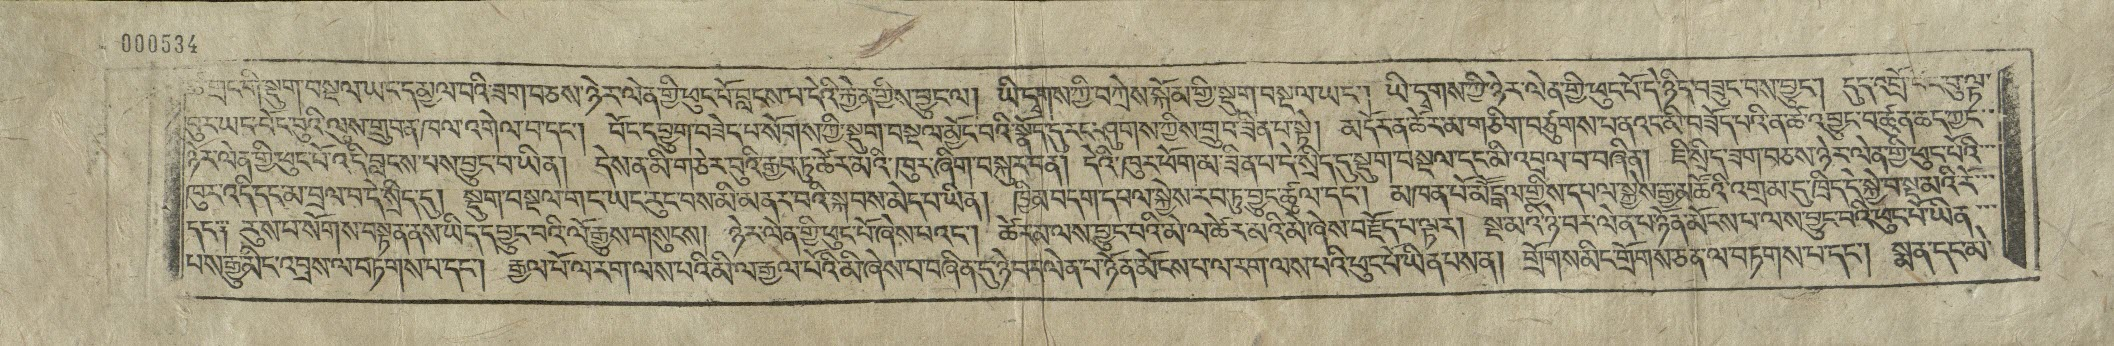ཚ་གྲང་གི་སྡུག་བསྔལ་ཡང་དམྱལ་བའི་ཟག་བཅས་ཉེར་ལེན་གྱི་ཕུང་པོ་བླངས་པ་དེའི་རྐྱེན་གྱིས་བྱུང་ལ། ཡི་དྭགས་ཀྱི་བཀྲེས་སྐོམ་གྱི་སྡུག་བསྔལ་ཡང་། ཡི་དྭགས་ཀྱི་ཉེར་ལེན་གྱི་ཕུང་པོ་དེ་ཉིད་བཟུང་བས་བྱུང་། དུད་འགྲོ་བོང་བུ་ལྟ་
བུར་ཡང་བོང་བུའི་ལུས་གྲུབ་ན་ཁལ་འགེལ་བ་དང་། བོང་དབྱུག་བཟེད་པ་སོགས་ཀྱི་སྡུག་བསྔལ་མྱོང་བའི་སྣོད་དུ་རང་ཤུགས་ཀྱིས་གྲུབ་ཟིན་པ་སྟེ། མདོར་ན་ཚེར་མ་གཅིག་བཙུགས་པ་ནའང་མི་བཟོད་པའི་ན་ཚ་འབྱུང་བ་ཚུན་ཆད་ཀྱང་
ཉེར་ལེན་གྱི་ཕུང་པོ་འདི་བླངས་པས་བྱུང་བ་ཡིན། དེས་ན་མི་གཅེར་བུའི་རྒྱབ་ཏུ་ཚེར་མའི་ཁུར་ཞིག་བསྐུར་བ་ན། དེའི་ཁུར་ཕོག་མ་ཟིན་པ་དེ་སྲིད་དུ་སྡུག་བསྔལ་དང་མི་འབྲལ་བ་བཞིན། ཇི་སྲིད་ཟག་བཅས་ཉེར་ལེན་གྱི་ཕུང་པོའི་
ཁུར་འདི་དང་མ་བྲལ་བ་དེ་སྲིད་དུ། སྡུག་བསྔལ་གང་ཡང་རུང་བས་མི་མནར་བའི་སྐབས་མེད་པ་ཡིན། ཁྱིམ་བདག་དཔལ་སྐྱེས་རབ་ཏུ་བྱུང་ཚུལ་དང་། མཁན་པོ་མཽང་གལ་གྱིས་དཔལ་སྐྱེས་རྒྱ་མཚོའི་འགྲམ་དུ་ཁྲིད་དེ་སྐྱེ་བ་སྔ་མའི་རོ་
དང༑ རུས་པ་སོགས་བསྟན་ནས་ཡིད་དབྱུང་བའི་ལོ་རྒྱུས་གསུངས། ཉེར་ལེན་གྱི་ཕུང་པོ་ཞེས་པའང་། ཚེར་མ་ལས་བྱུང་བའི་མེ་ལ་ཚེར་མའི་མེ་ཞེས་བརྗོད་པ་ལྟར། སྔ་མའི་ཉེ་བར་ལེན་པ་ཉོན་མོངས་པ་ལས་བྱུང་བའི་ཕུང་པོ་ཡིན་
པས་རྒྱུ་མིང་འབྲས་ལ་བཏགས་པ་དང་། རྒྱལ་པོ་ལ་རག་ལས་པའི་མི་ལ་རྒྱལ་པོའི་མི་ཞེས་པ་བཞིན་དུ་ཉེ་བར་ལེན་པ་ཉོན་མོངས་པ་ལ་རག་ལས་པའི་ཕུང་པོ་ཡིན་པས་ན། གྲོགས་མིང་གྲོགས་ཅན་ལ་བཏགས་པ་དང་། སྨན་དང་མེ་